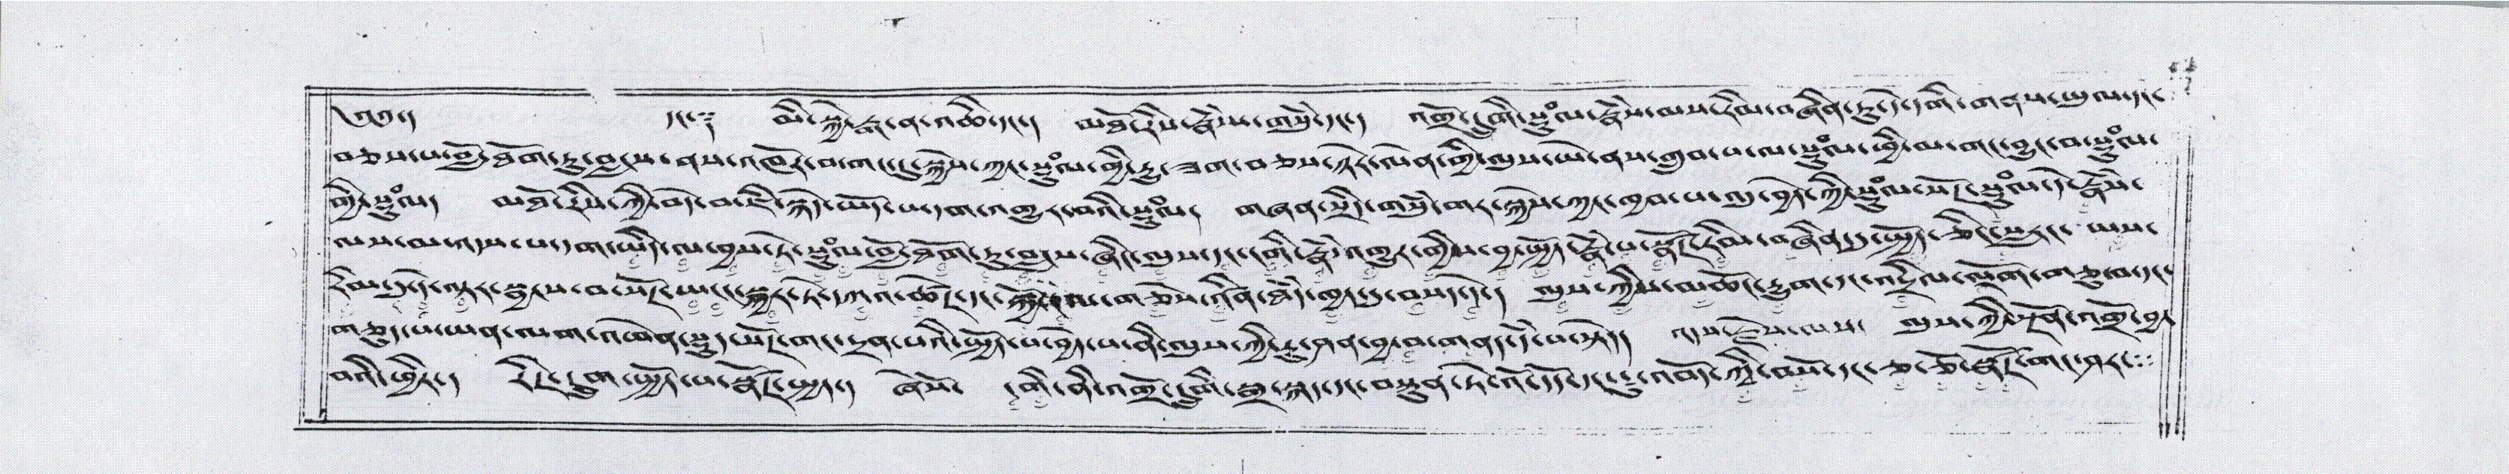དང་། མི་སྐྱེ་རྒ་ན་འཆི་དང་། མཐོ་རིས་རྣམ་པ་གསུམ་དང་། འགྲོ་དྲུག་གི་སྡུག་བསྔལ་རྣམས་མས་རིམ་བཞིན་དུ་དེ་དག་གི་གནས་ཡུལ་དང་
བཅས་པ་བློ་ཐོག་ཏུ་བླངས་ནས་འཁོར་བ་གང་དུ་སྐྱེས་ཀྱང་སྡུག་བསྔལ་གྱི་རྒྱུ་ཟག་བཅས་ཉེར་ལེན་གྱི་ལུས་ཡེ་ནས་གྲུབ་པ་ལ་སྡུག་བསྔལ་ཕྱི་མ་གང་བྱུང་བ་སྡུག་བསྔལ་
གྱི་སྡུག་བསྔལ། མཐོ་རིས་ཀྱི་བདེ་བ་ཇི་སྙེད་ཡོད་པ་དག་འགྱུར་བའི་སྡུག་བསྔལ། གཞན་སྲིད་གསུམ་གར་སྐྱེས་ཀྱང་ཁྱབ་པ་འདུ་བྱེད་ཀྱི་སྡུག་བསྔལ་སོགས་སྡུག་བསྔལ་དེ་རྣམས་
ལས་མ་འདས་པ་དག་ཡིད་ལ་བྱས་ཏེ་སྡུག་བསྔལ་བློ་ཐོག་ཏུ་བླངས་ཤིང་ལུས་དང་ངག་གི་རྣམ་འགྱུར་གྱིས་བྱ་སྤྱོད་རྣམ་པ་སྣ་ཚོགས་རིམ་བཞིན་དུ་སྤྱོད་ཅིང་སླར། ཡང་ཡས་
རིམ་དུ་དེ་ལྟར་སྦྱངས་པ་སོགས་ཡང་ཡང་སྦྱར་ཏེ་དཀའ་ཚེགས་དང་སྐྱོ་ངལ་གཅེས་འཛིན་ཐམས་ཅད་ཁྱད་དུ་བསད་དེ། ལུས་ཀྱི་མཆོང་རྒྱུག་དང་འདྲེ་ལྡོག་གཅུ་བ་དང་
གཅུད་པ་ཡན་ལག་འཕེན་སྡུད་སོགས་གང་དྲན་པའི་སྤྱོད་པ་བྱེད་པ་ནི་ལུས་ཀྱི་རུ་ཤན་བྱ་བ་གནད་དམ་པ་སྟེ། འདས་རྗེས་ལས། ལུས་ཀྱི་སྔོན་འགྲོ་བྱ་
བའི་ཕྱིར། རིགས་དྲུག་སྤྱོད་པ་སྣ་ཚོགས་སྤྱད། ཞེས་སོ། ངག་ནི་འགྲོ་དྲུག་གི་སྒྲ་སྐད་དང་བསྟུན་ཏེ་འོ་དོད་དང་ངུ་འབོད་ཀྱི་བསོ་དང་ཅ་ཅོ་སྣ་ཚོགས་གང་ཤར་